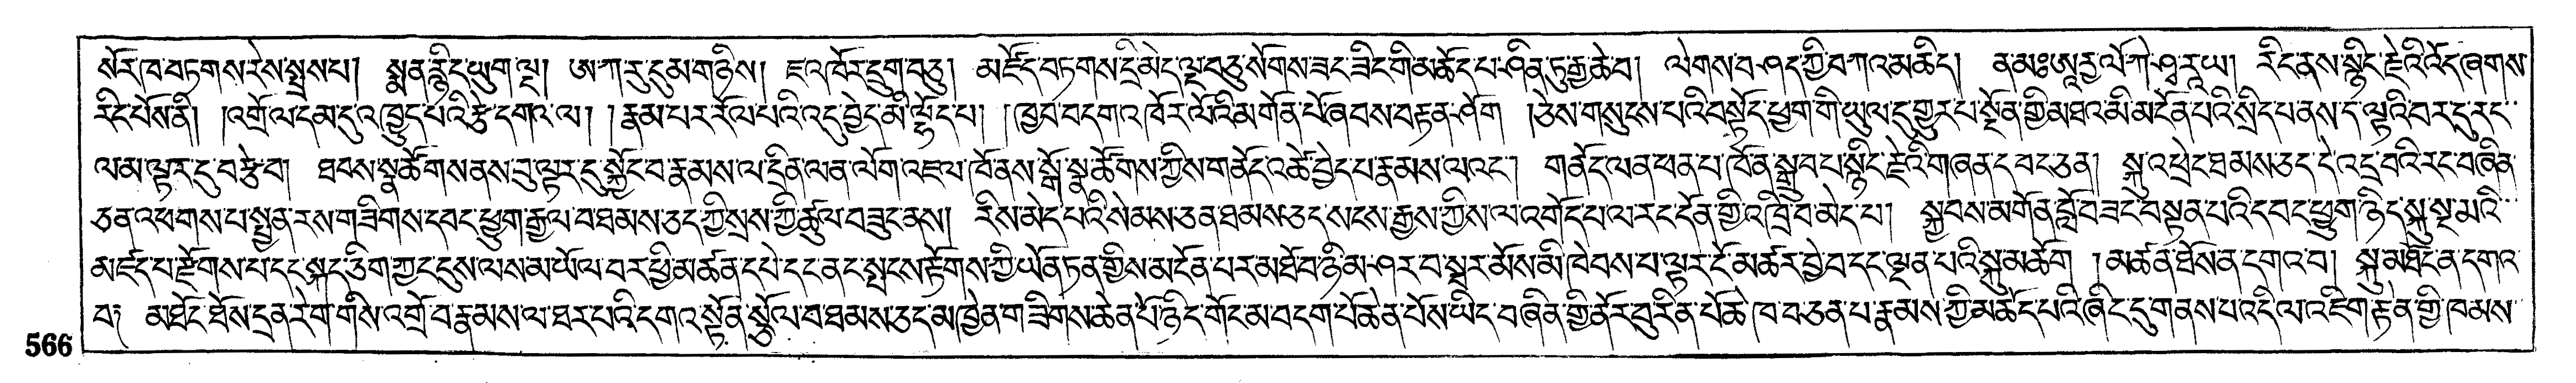སོར་ཁ་བཏགས་རེས་སྤྲས་པ། སྨན་རྙིད་ཡུག་ལྔ། ཨ་ཀ་རུ་དུམ་གཉིས། ཇ་འཁོར་དྲུག་བཅུ། མཛོད་བཏགས་དྲི་མེད་ལྔ་བཅུ་སོགས་ཟང་ཟིང་གི་མཆོད་པ་ཤིན་ཏུ་རྒྱ་ཆེ་བ། ལེགས་བཤད་ཀྱི་བཀའ་མཆིད། ན་མཿ ཨཱརྱ་ལོ་ཀེ་ཤྭ་རཱ་ཡ། རིང་ནས་སྙིང་རྗེའི་འོད་ཞགས་
རིང་པོས་ནི། །འགྲོ་ལ་དམ་དུ་འཁྱུད་པའི་རྩེ་དགའ་ལ། །རྣམ་པར་རོལ་པའི་འདུ་བྱེད་མི་ལྷོད་པ། །ཁྱབ་བདག་འཁོར་ལོའི་མགོན་པོ་ཞབས་བརྟན་ཤོག །ཅེས་གསུངས་པའི་བསྟོད་ཕྱག་གི་ཡུལ་དུ་གྱུར་པ་སྔོན་གྱི་མཐའ་མི་མངོན་པའི་སྲིད་པ་ནས་ད་ལྟའི་བར་དུ་རང་
ལ་མ་ལྟར་དུ་བརྩེ་བ། ཐབས་སྣ་ཚོགས་ནས་བུ་ལྟར་དུ་སྐྱོང་བ་རྣམས་ལ་དྲིན་ལན་ལོག་འཇལ་ཁོ་ནས་སྒོ་སྣ་ཚོགས་ཀྱིས་གནོད་འཚེ་བྱེད་བ་རྣམས་ལའང་། གནོད་ལན་ཕན་པ་ཁོ་ན་སྒྲུབ་པ་སྙིང་རྗེའི་གཞན་དབང་ཅན། སྐུ་འཕྲེང་ཐམས་ཅད་དེ་འདྲ་བའི་རང་བཞིན་
ཅན་འཕགས་པ་སྤྱན་རས་གཟིགས་དབང་ཕྱུག་རྒྱལ་བ་ཐམས་ཅད་ཀྱི་སྲས་ཀྱི་ཚུལ་བཟུང་ནས། རིས་མེད་པའི་སེམས་ཅན་ཐམས་ཅད་སངས་རྒྱས་ཀྱི་ས་ལ་འགོད་པ་ལ་རང་དོན་གྱི་འཁྲི་བ་མེད་པ། སྐྱབས་མགོན་བློ་བཟང་བསྟན་པའི་དབང་ཕྱག་ཉིད་སྐུ་སྔ་མའི་
མཛད་པ་རྫོགས་པ་དང་སྐད་ཅིག་ཀྱང་དུས་ལས་མ་ཡོལ་བར་ཕྱི་མཚན་དཔེ་དང་ནང་སྤངས་རྟོགས་ཀྱི་ཡོན་ཏན་གྱིས་མངོན་པར་མཐོ་བ་ཉི་མ་ཤར་བ་སྦར་མོས་མི་ཁེབས་པ་ལྟར་ངོ་མཚར་བྱེ་བ་དང་ལྡན་པའི་སྐུ་མཆོག །མཚན་ཐོས་ན་དགའ་བ། སྐུ་མཐོང་ན་དགའ་
བ༑ མཐོང་ཐོས་དྲན་རེག་གིས་འགྲོ་བ་རྣམས་ལ་ཐར་པའི་དགའ་སྟོན་སྩོལ་བ་ཐམས་ཅད་མཁྱེན་གཟིགས་ཆེན་བོ་ཉིད་གོང་མ་འདག་པོ་ཆེན་པོས་ཡིད་བཞིན་གྱི་ནོར་བུ་རིན་པོ་ཆེ་ཁ་བ་ཅན་པ་རྣམས་ཀྱི་མཆོད་པའི་ཞིང་དུ་གནང་བ་འདི་ལ་འཇིག་རྟེན་གྱི་ཁམས་